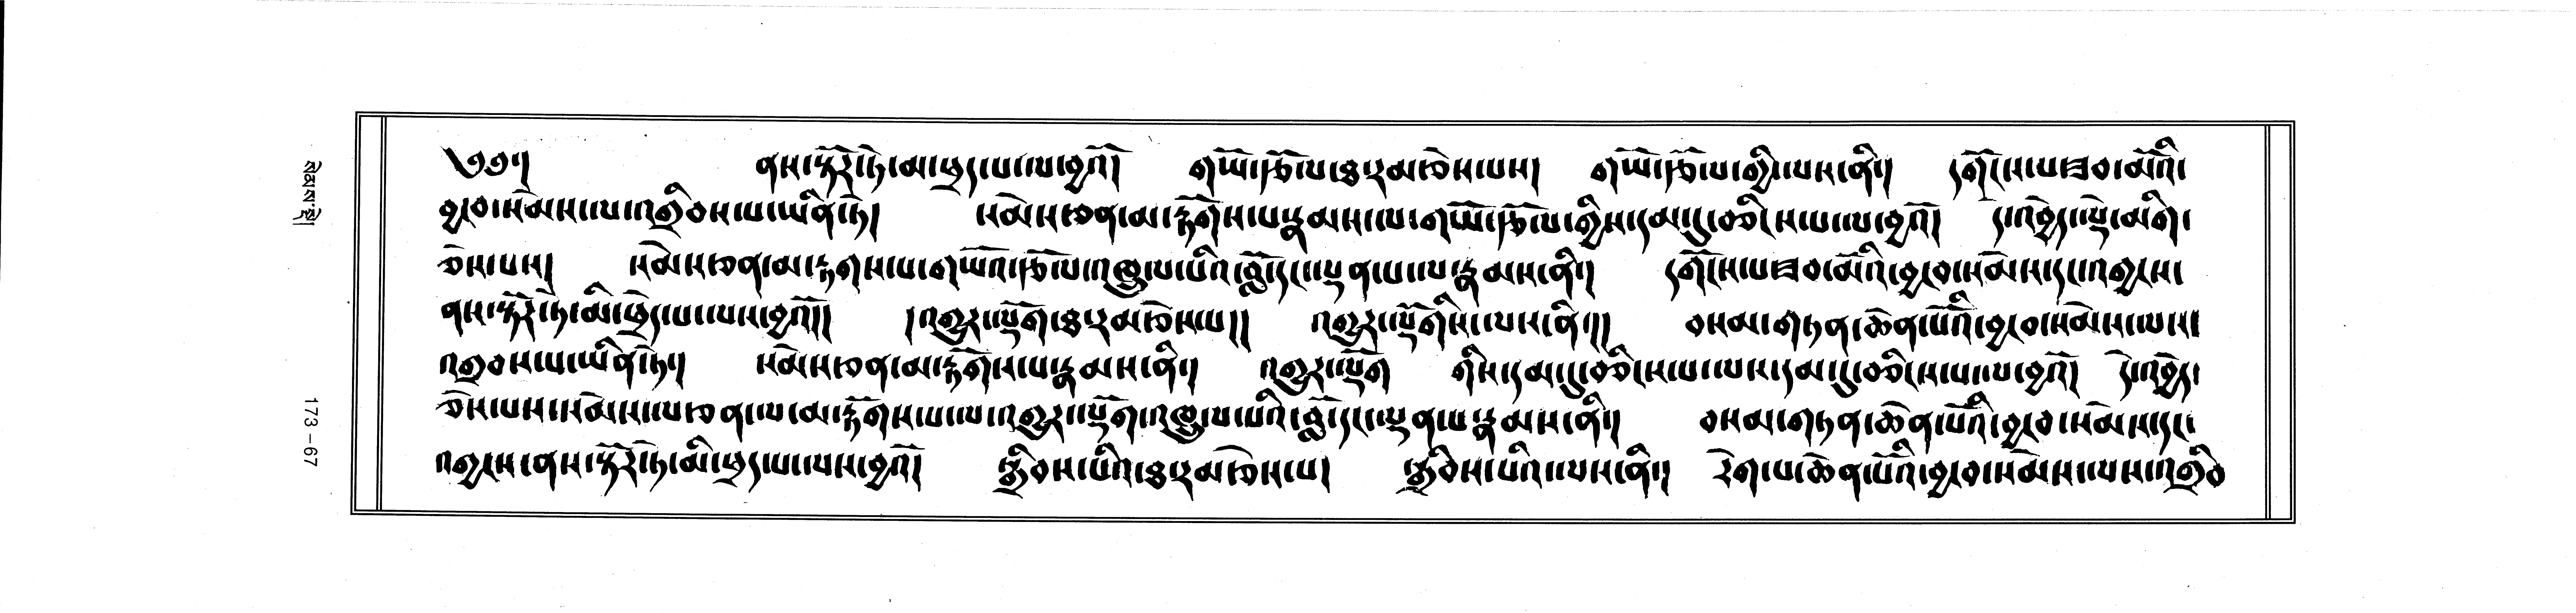སྟོར་ཏེ་མ་འཕྲད་པ་ལ་བྱའོ། །གཡོ་རྩོལ་ཐ་རམ་ཅེས་པས། གཡོ་རྩོལ་གྱི་ལས་ནི། དགོངས་པ་ཟབ་མོའི་
བྱང་ཆུབ་སེམས་ལས་འགྲིབ་པ་ཡིན་ཏེ། སེམས་ཅན་མ་རྟོགས་པ་རྣམས་ལ་གཡོ་རྩོལ་གྱིས་དམ་དུ་བཅིངས་པ་ལ་བྱའོ། །དེ་འབྱེད་ལྡེ་མིག་
ཅེས་པས། སེམས་ཅན་མ་རྟོགས་པ་གཡོ་རྩོལ་འཁྲུལ་པའི་བློ་དང་ལྡན་པ་རྣམས་ནི། དགོངས་པ་ཟབ་མོའི་བྱང་ཆུབ་སེམས་དང་འགྱངས་
ནས་སྟོར་ཏེ་མི་འཕྲད་པ་ལ་བྱའོ། འགྱུར་ལྡོག་ཐ་རམ་ཅེས་པ། འགྱུར་ལྡོག་གི་ལས་ནི། བསམ་གཏན་ཆེན་པོའི་བྱང་ཆུབ་སེམས་ལས་
འགྲིབས་པ་ཡིན་ཏེ། སེམས་ཅན་མ་རྟོགས་པ་ནི་འགྱུར་ལྡོག་གིས་དམ་དུ་བཅིངས་པ་ལས་དམ་དུ་བཅིངས་པ་ལ་བྱའོ། །དེ་འབྱེད་
ཅེས་པས། སེམས་ཅན་མ་རྟོགས་པ་འགྱུར་ལྡོག་འཁྲུལ་པའི་བློ་དང་ལྡན་པ་རྣམས་ནི། བསམ་གཏན་ཆེན་པོའི་བྱང་ཆུབ་སེམས་དང་
འགྱངས་ནས་སྟོར་ཏེ་མི་འཕྲད་པ་ལ་བྱའོ། སྒྲིབ་པའི་ཐ་རམ་ཅེས་པ། སྒྲིབ་པའི་ལས་ནི། རེག་པ་ཆེན་པོའི་བྱང་ཆུབ་སེམས་ལས་འགྲིབ་